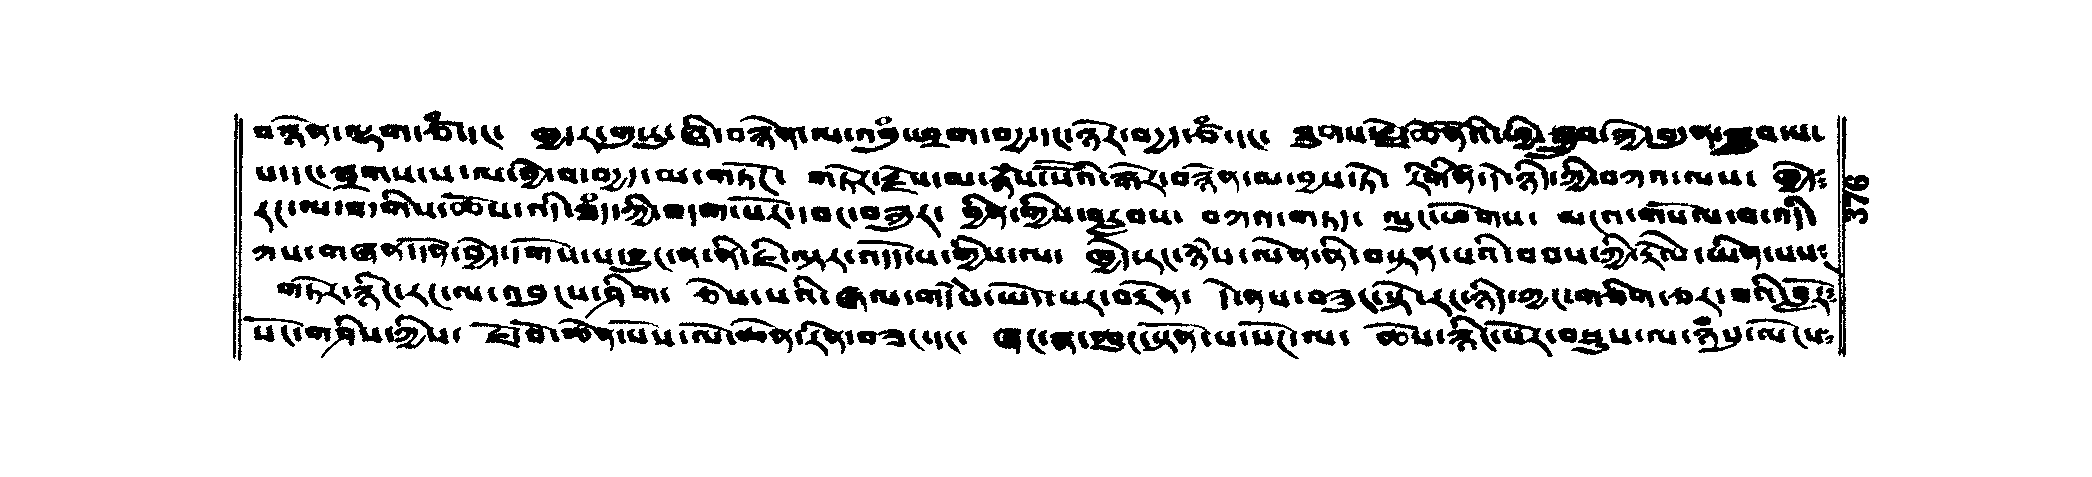བསྙེན་ལྷག་ཙམ་དང་། ཁྱད་པར་གུ་རུ་ཞི་བསྙེན་ལ་འབུམ་ཁྲག་བརྒྱ་དང་ཉེར་བརྒྱད་ཙམ་དང་། ཐུགས་རྗེ་ཆེན་པོའི་ཕྱི་སྒྲུབ་སྐྱེ་བདུན་སྒུབ་
པ་དང་སྦྲགས་པ་ལ་བྱེ་བ་བརྒྱད་མ་གཏོགས་གཏོར་རྗེས་མ་རྣམས་སོ་སོའི་སྒེར་བསྙེན་མ་བྱས་ཏེ། རིག་འཛིན་དེ་ཉིད་ཀྱི་བཀའ་ལ། ཁྱོད་
རང་ལ་བདག་གིས་ཆོས་འདི་ཐམས་ཅད་ཀྱི་བདག་པོར་དབང་བསྐུར། བྱིན་བྱིས་བརླབ། བཀའ་གཏད། ལུང་ཕོགས། མངའ་གསོལ་བ་འདི་
ཀས་གཞན་དོན་བྱེད་དགོས་པ་བྱུང་ན་ནི་ཇི་ལྟར་འདོད་དགོས་པ་གྱིས་ལ། ཁྱོད་རང་ཉམས་ལེན་ནི་བསྟན་པའི་བབས་ཀྱི་རྟེན་འབྲེལ་ཡིན་པས་
གཏེར་རྙིང་རང་ལ་འབུངས་ཤིག་ཅེས་པའི་ཞལ་གདམས་ཡོད་པར་བརྟེན། དེ་ནས་བཟུང་སྟེ་རང་ཉིད་ཀྱང་གཅིག་ཅར་བའི་བློར་
སོང་གཤིས་ཀྱིས། ཇོ་བོ་ཆེན་པོས་ལོ་ཆེན་རིན་བཟང་དང་། ཞང་སྣ་ཆུང་སྟོན་པ་སོགས་ལ། ཆོས་སྙིང་པོར་བསྡུས་ལ་ཉམས་སུ་ལོངས་